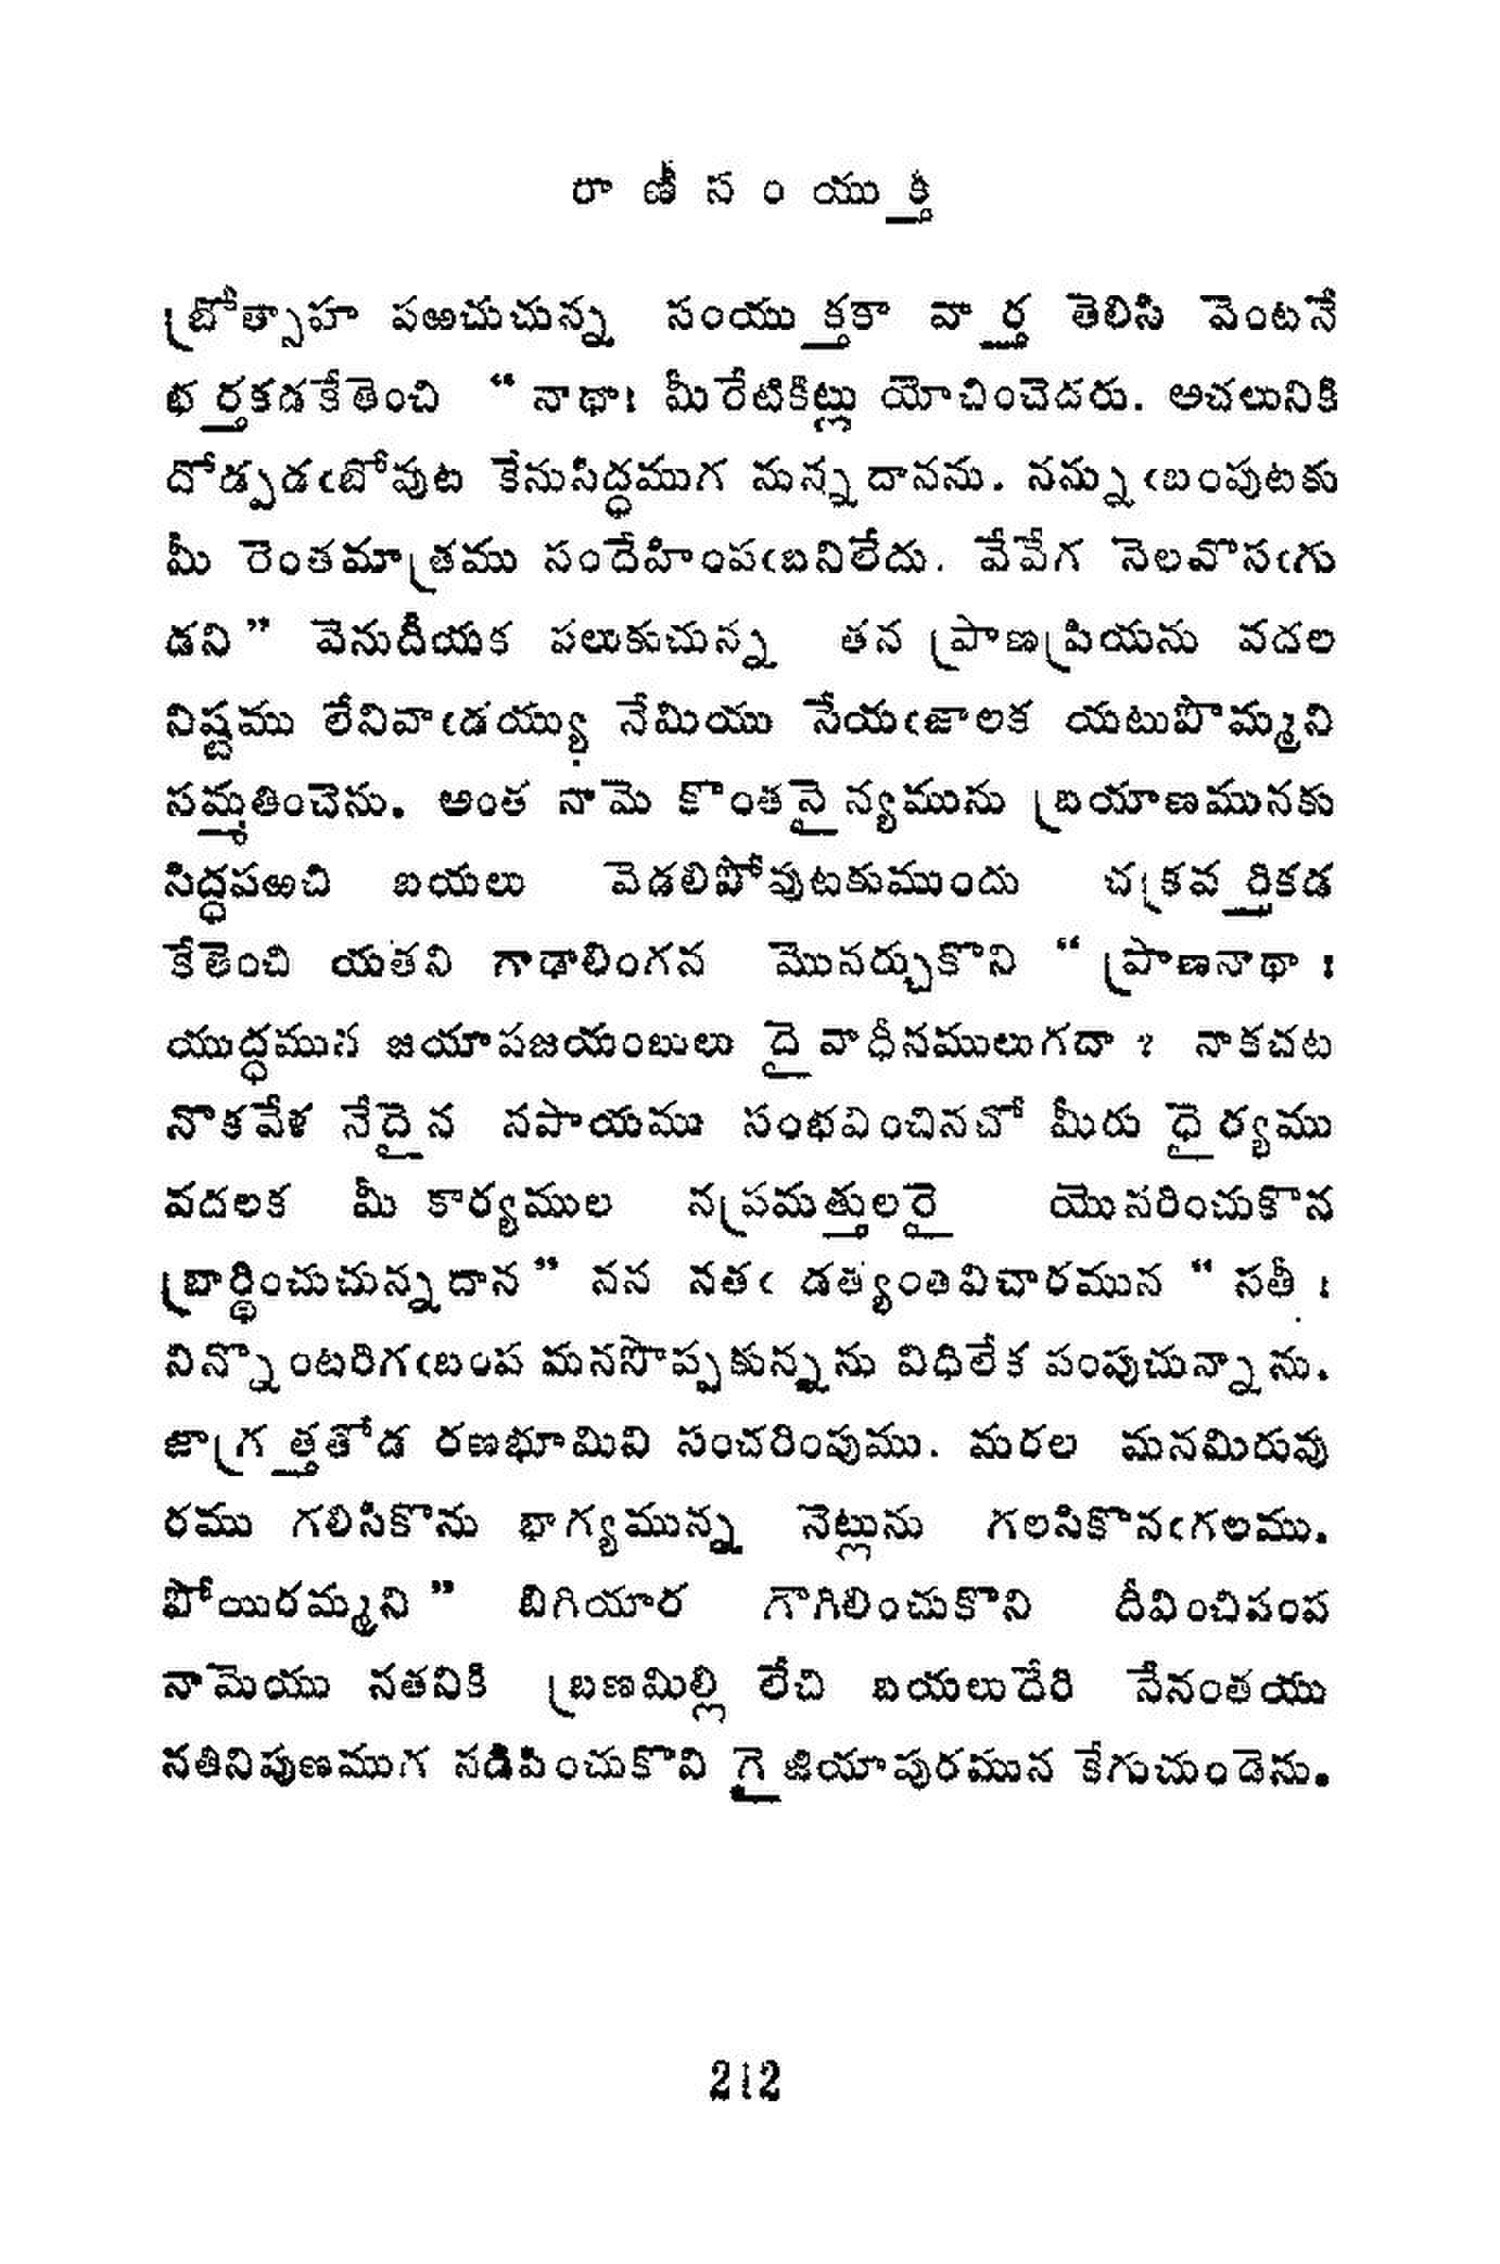బ్రోత్సాహ పఱచుచున్న సంయుక్తకా వార్త తెలిసి వెంటనే భర్తకడకేతెంచి " నాథా! మీరేటికిట్లు యోచించెదరు. అచలునికి దోడ్పడఁబోవుట కేనుసిద్ధముగ నున్నదానను. నన్నుఁబంపుటకు మీ రెంతమాత్రము సందేహింపఁబనిలేదు. వేవేగ సెలవొసఁగు డని " వెనుదీయక పలుకుచున్న తన ప్రాణప్రియను వదల నిష్టము లేనివాఁడయ్యు నేమియు సేయఁజాలక యటుపొమ్మని సమ్మతించెను. అంత నామె కొంత సైన్యమును బ్రయాణమునకు సిద్ధపఱచి బయలు వెడలిపోవుటకుముందు చక్రవర్తికడ కేతెంచి యతని గాఢాలింగన మొనర్చుకొని " ప్రాణనాథా ! యుద్ధమున జయాపజయంబులు దైవాధీనములుగదా? నాకచట నొకవేళ నేదైన నపాయము సంభవించినచో మీరు ధైర్యము వదలక మీ కార్యముల ప్రమత్తులరై యొసరించుకొన బ్రార్థించుచున్నదాన " నన నతఁ డత్యంతవిచారమున "సతీ ! నిన్నొంటరిగఁబంప మనసొప్పకున్నను విధిలేక పంపుచున్నాను. జాగ్రత్తతోడ రణభూమిని సంచరింపుము. మరల మనమిరువురము గలిసికొను భాగ్యమున్న నెట్లును గలసికొనఁగలము. పోయిరమ్మని " బిగియార గౌగిలించుకొని దీవించిపంప నామెయు నతనికి బ్రణమిల్లి లేచి బయలు దేరి నేనంతయు నతినిపుణముగ సడిపించుకొని గైజియాపురమున కేగుచుండెను.